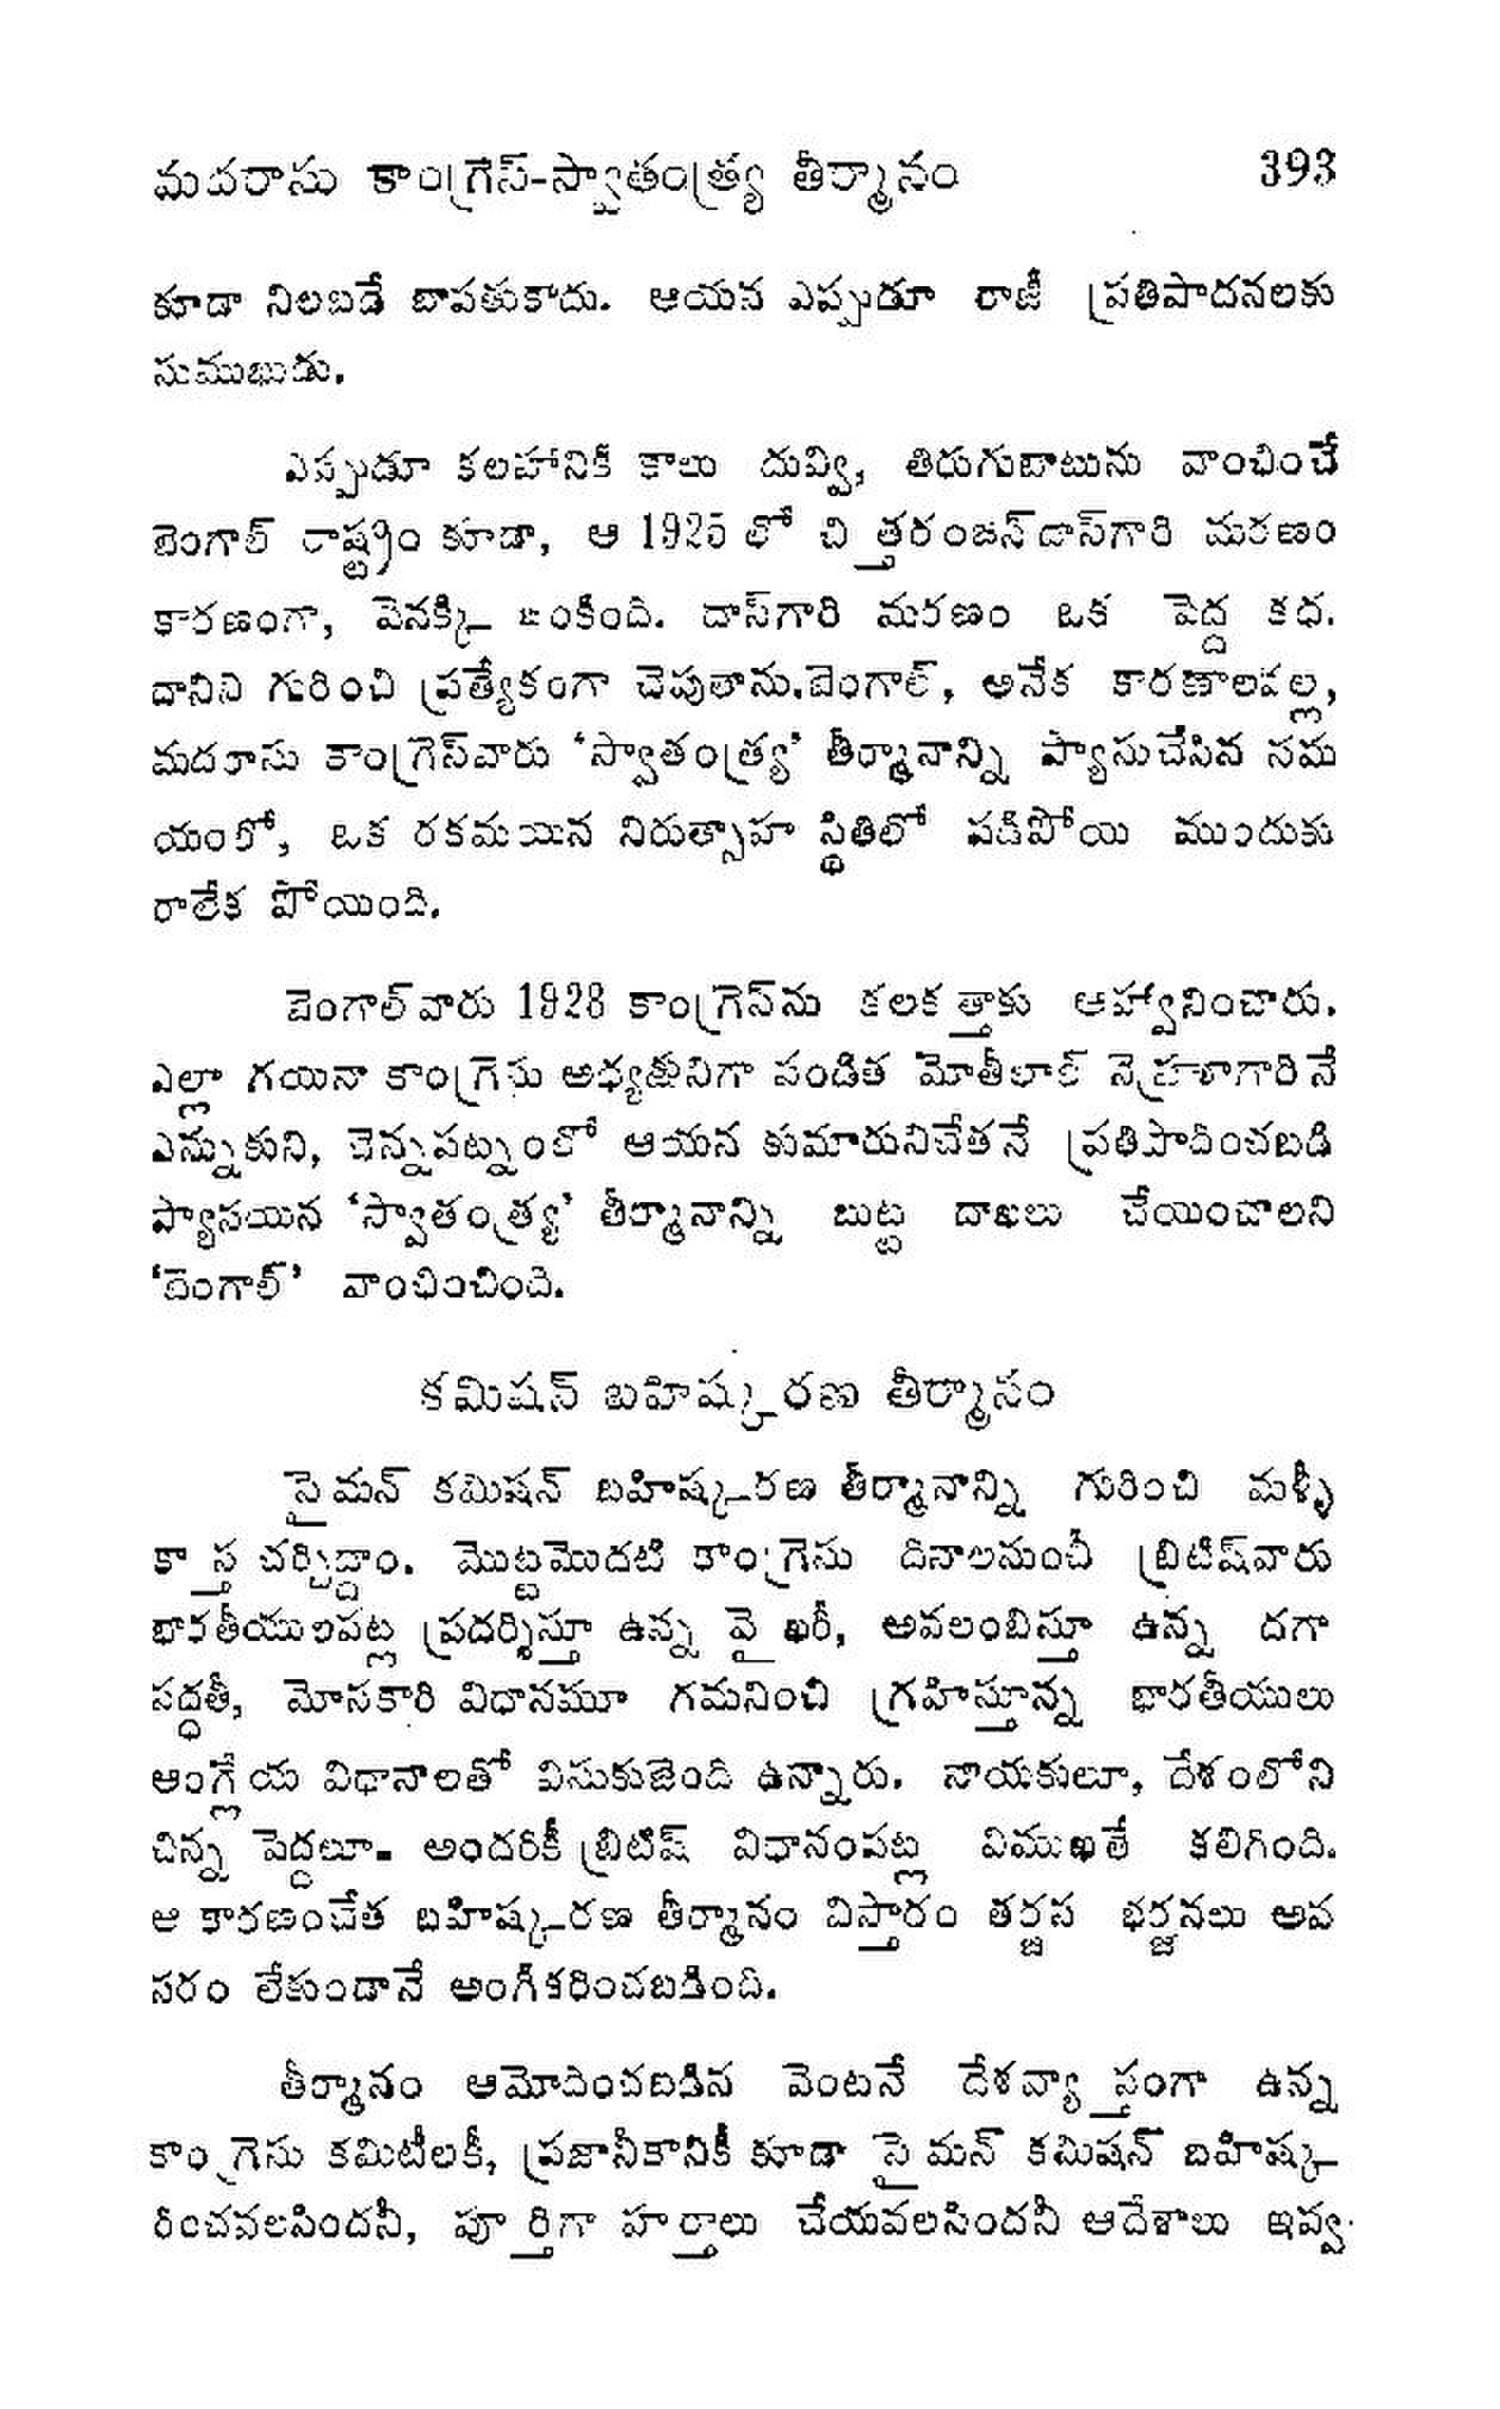కూడా నిలబడే బాపతుకాదు. ఆయన ఎప్పుడూ రాజీ ప్రతిపాదనలకు సుముఖుడు.

ఎప్పుడూ కలహానికి కాలు దువ్వి, తిరుగుబాటును వాంచించే బెంగాల్ రాష్ట్రం కూడా, ఆ 1925 లో చిత్తరంజన్ దాస్‌గారి మరణం కారణంగా, వెనక్కి జంకింది. దాస్‌గారి మరణం ఒక పెద్ద కధ. దానిని గురించి ప్రత్యేకంగా చెపుతాను. బెంగాల్, అనేక కారణాలవల్ల, మదరాసు కాంగ్రెస్‌వారు 'స్వాతంత్ర్య' తీర్మానాన్ని ప్యాసుచేసిన సమయంలో, ఒక రకమయిన నిరుత్సాహ స్థితిలో పడిపోయి ముందుకు రాలేక పోయింది.

బెంగాల్‌వారు 1928 కాంగ్రెస్‌ను కలకత్తాకు ఆహ్వానించారు. ఎల్లా గయినా కాంగ్రెసు అధ్యక్షునిగా పండిత మోతీలాల్ నెహ్రూగారినే ఎన్నుకుని, చెన్నపట్నంలో ఆయన కుమారునిచేతనే ప్రతిపాదించబడి ప్యాసయిన 'స్వాతంత్ర్య' తీర్మానాన్ని బుట్ట దాఖలు చేయించాలని 'బెంగాల్‌' వాంఛించింది.

సైమన్ కమిషన్ బహిష్కరణ తీర్మానాన్ని గురించి మళ్ళీ కాస్త చర్చిద్దాం. మొట్టమొదటి కాంగ్రెసు దినాలనుంచీ బ్రిటిష్‌వారు భారతీయులపట్ల ప్రదర్శిస్తూ ఉన్న వైఖరీ, అవలంబిస్తూ ఉన్న దగా పద్ధతీ, మోసకారి విధానమూ గమనించి గ్రహిస్తూన్న భారతీయులు ఆంగ్లేయ విధానాలతో విసుకుజెంది ఉన్నారు. నాయకులూ, దేశంలోని చిన్న పెద్దలూ - అందరికీ బ్రిటిష్ విధానం పట్ల విముఖతే కలిగింది. ఆ కారణంచేత బహిష్కరణ తీర్మానం విస్తారం తర్జన భర్జనలు అవసరం లేకుండానే అంగీకరించబడింది.

తీర్మానం ఆమోదించబడిన వెంటనే దేశవ్యాప్తంగా ఉన్న కాంగ్రెసు కమిటీలకీ, ప్రజానీకానికీ కూడా సైమన్ కమిషన్ బహిష్కరించవలసిందనీ, పూర్తిగా హర్తాలు చేయవలసిందనీ ఆదేశాలు ఇవ్వ